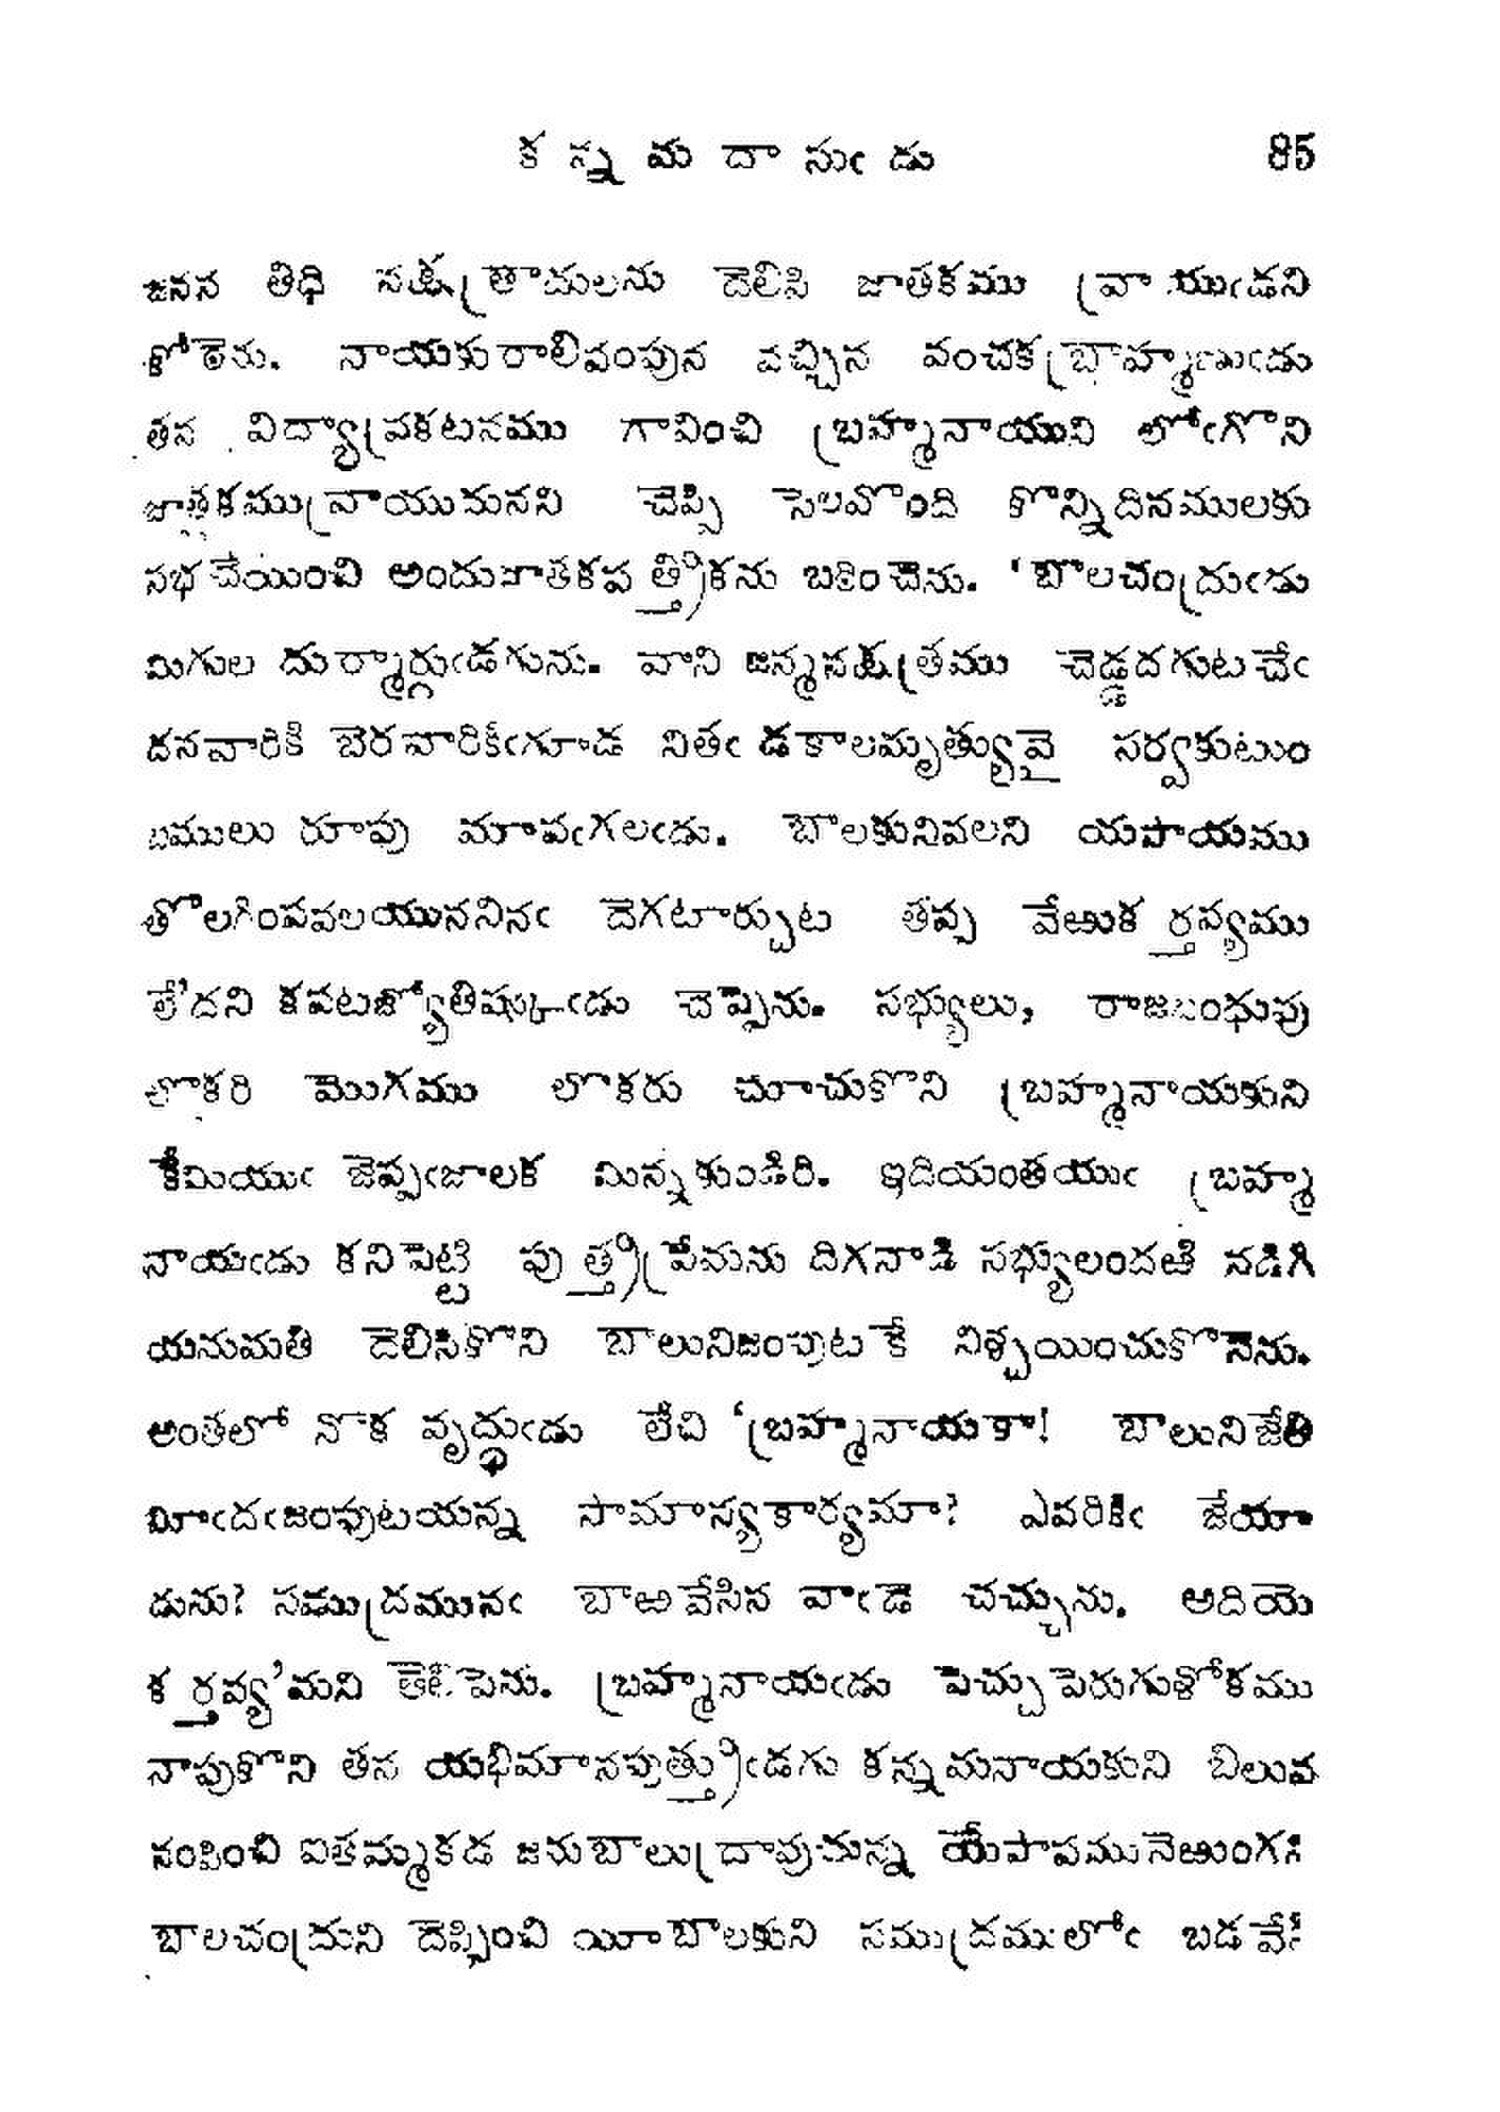జనన తిధి నక్షత్రత్రాదులను దెలిపి జాతకము వ్రాయుడని కోరెను. నాయకురాలివంపున వచ్చిన వంచకబ్రాహ్మణుడు తన విద్యాప్రకటనము గావించి బ్రహ్మనాయుని లోగొని జాతకమువ్రాయుదునని చెప్పి సెలవొంది కొన్నిదినములకు సభచేయించి అందుజాతకపత్రికను బఠించెను. 'బాలచంద్రుడు మిగుల దుర్మార్గుడగును. వాని జన్మనక్షత్రము చెడ్డదగుటచే దనవారికి బెరవారికిగూడ నిత డకాలమృత్యువై సర్వకుటుంబములు రూపు మాపగలడు. బాలకునివలని యపాయము తొలగింపవలయుననిన దెగటార్చుట తప్ప వేఱుకర్తవ్యములే'దని కపటజ్యోతిష్కుడు చెప్పెను. సభ్యులు, రాజబంధువు లొకరి మొగము లొకరు చూచుకొని బ్రహ్మనాయకుని కేమియు జెప్పజాలక మిన్నకుండిరి. ఇదియంతయు బ్రహ్మనాయడు కనిపెట్టి పుత్రప్రేమను దిగనాడి సభ్యులందఱి నడిగి యనుమతి దెలిసికొని బాలునిజంపుటకే నిశ్చయించుకొనెను. అంతలో నొక వృద్ధుడు లేచి 'బ్రహ్మనాయకా! బాలునిజేతిమీద జంపుటయన్న సామాన్యకార్యమా? ఎవరికి జేయాడును? సముద్రమున బాఱవేసిన వాడె చచ్చును. అదియె కర్తవ్య'మని తెలిపెను. బ్రహ్మనాయడు పెచ్చుపెరుగుశోకము నాపుకొని తన యభిమానపుత్రుడగు కన్నమనాయకుని బిలువనంపించి ఐతమ్మకడ జనుబాలుద్రావుచున్న యేపాపము నెఱుంగని బాలచంద్రుని దెప్పించి యీబాలకుని సముద్రములో బడవేసి